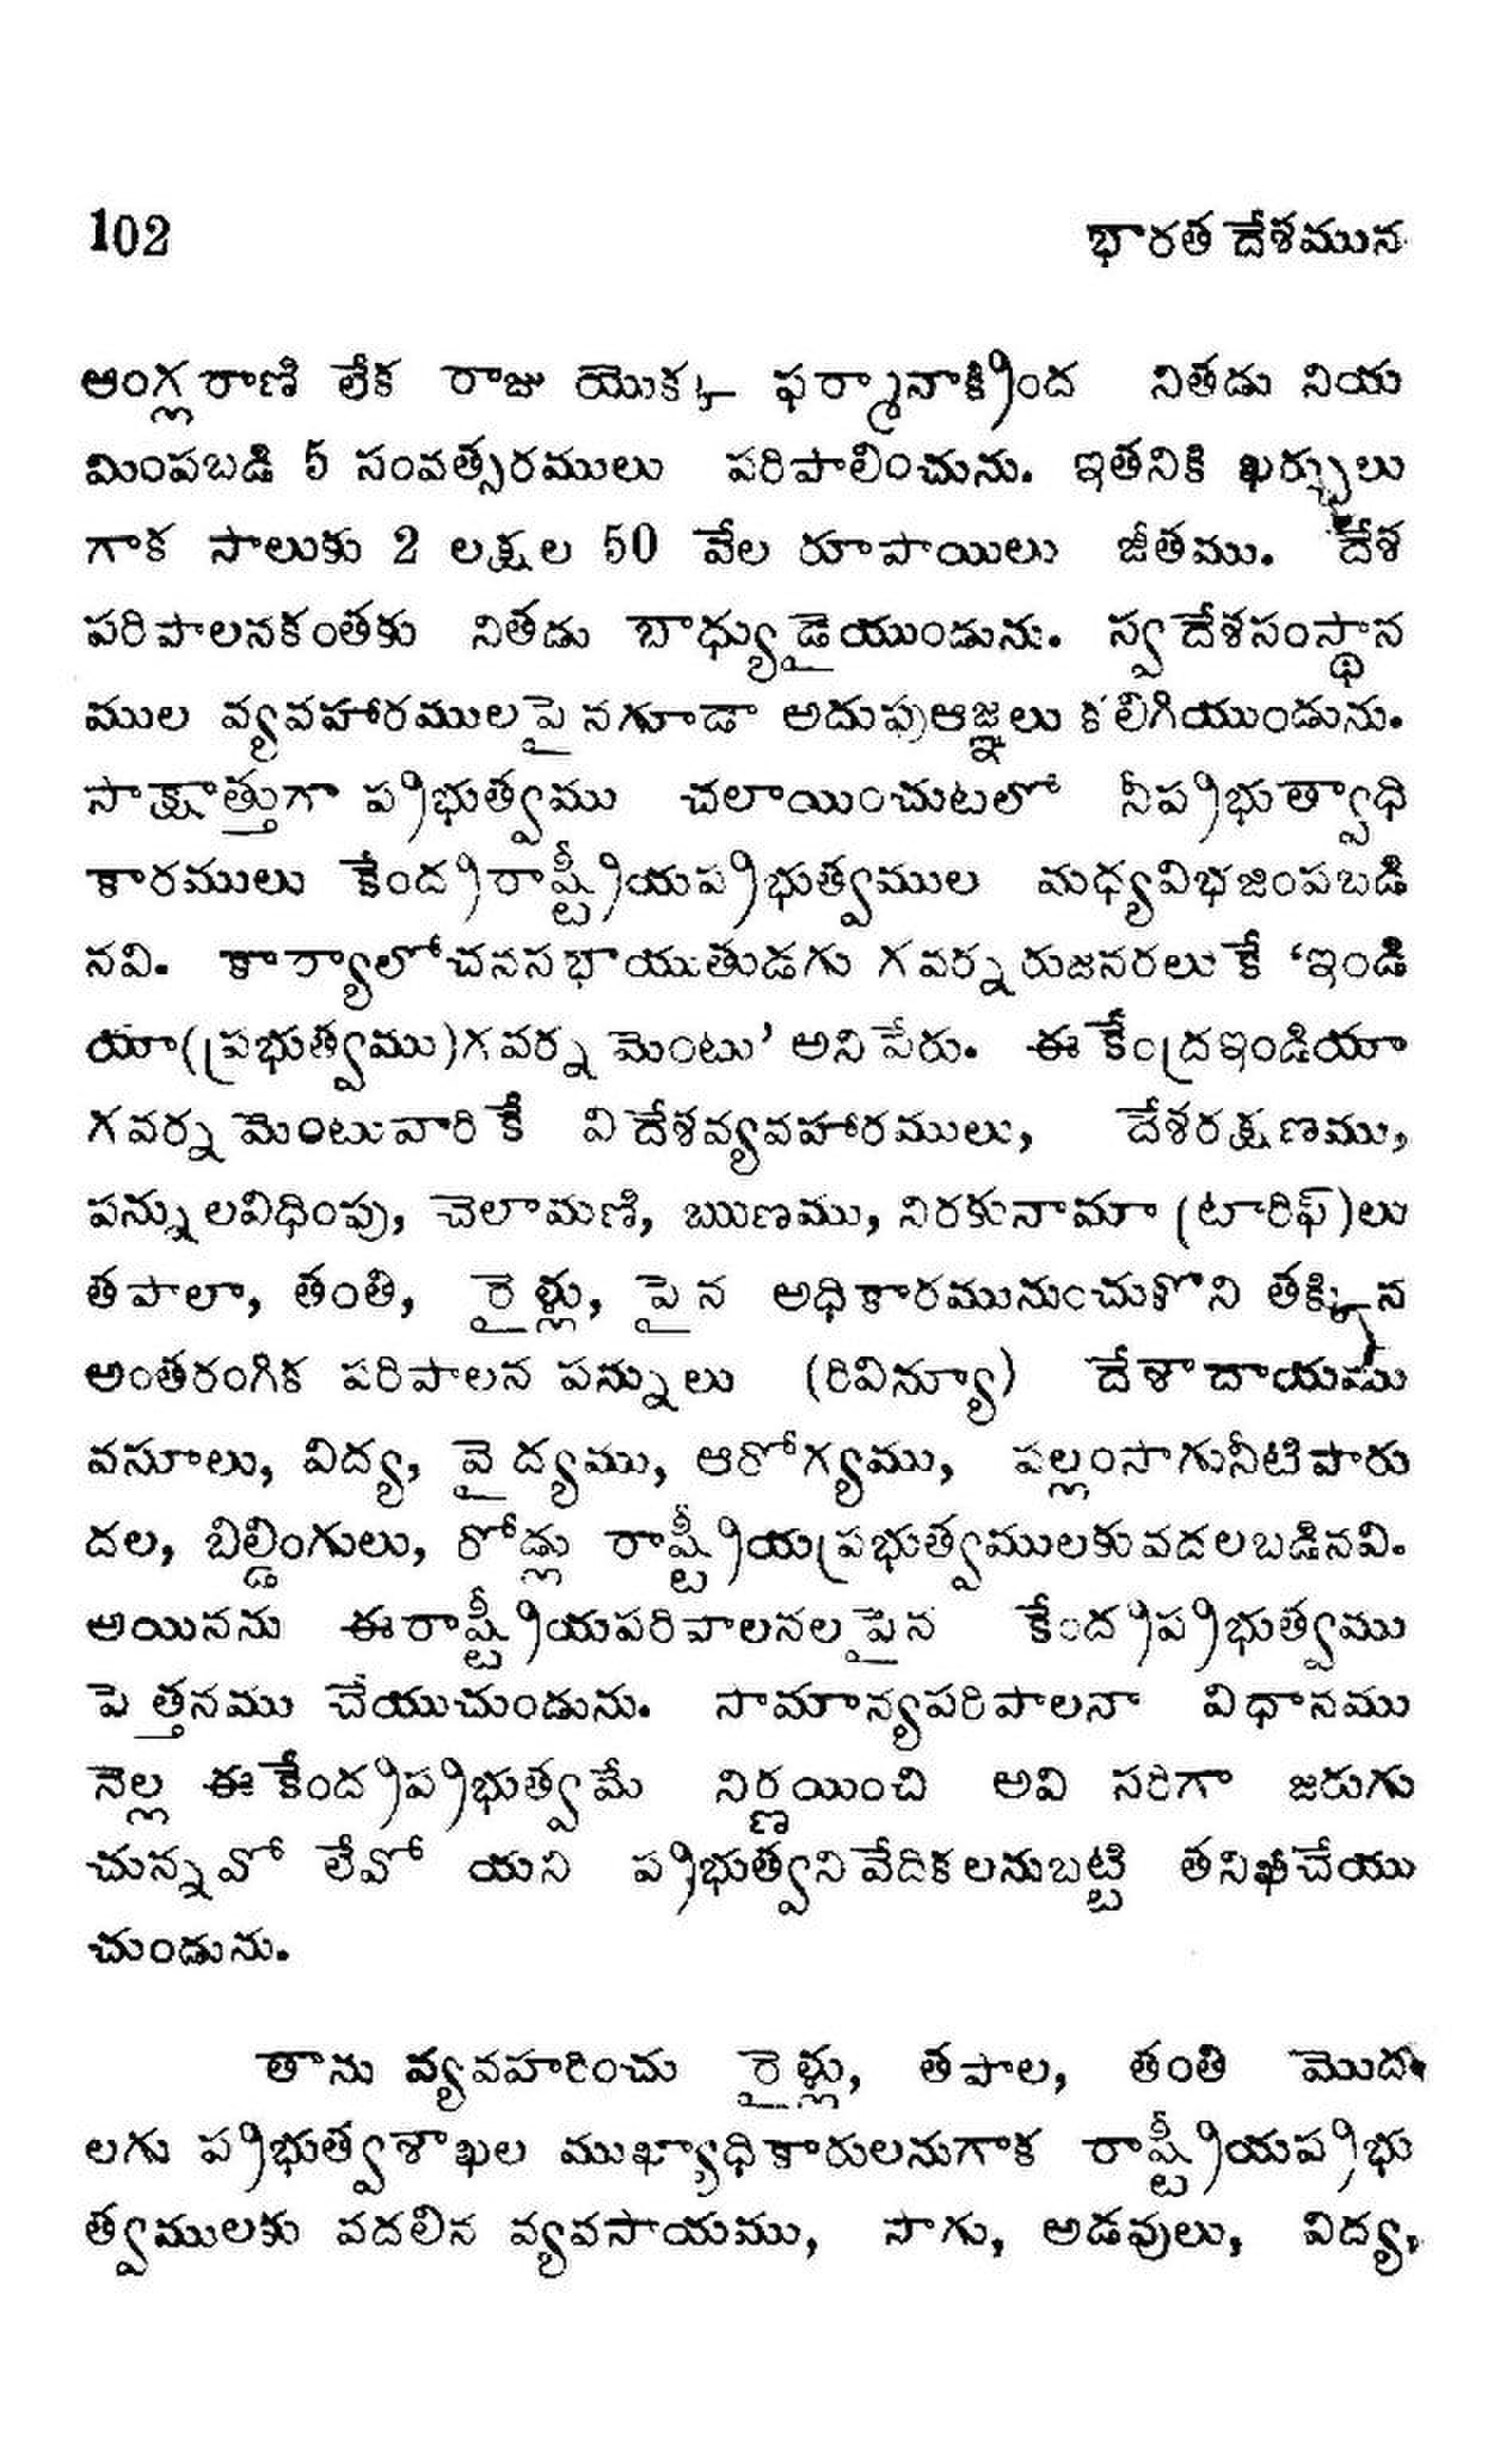ఆంగ్లరాణి లేక రాజు యొక్క ఫర్మానాక్రింద నితడు నియమింపబడి 5 సంవత్సరములు పరిపాలించును. ఇతనికి ఖర్చులు గాక సాలుకు 2 లక్షల 50 వేల రూపాయిలు జీతము. దేశపరిపాలనకంతకు నితడు బాధ్యుడైయుండును. స్వదేశసంస్థానముల వ్యవహారములపైనగూడా అదుపుఆజ్ఞలు కలిగియుండును. సాక్షాత్తుగా ప్రభుత్వము చలాయించుటలో నీప్రభుత్వాధికారములు కేంద్రరాష్ట్రీయప్రభుత్వముల మధ్యవిభజింపబడినవి. కార్యాలోచన సభాయుతుడగు గవర్నరుజనరలు కే 'ఇండియా(ప్రభుత్వము)గవర్నమెంటు' అనిపేరు. ఈ కేంద్రఇండియా గవర్నమెంటువారికే విదేశవ్యవహారములు, దేశరక్షణము, పన్నులవిధింపు, చెలామణి, ఋణము, నిరకునామా (టారిఫ్) లు తపాలా, తంతి, రైళ్లు, పైన అధికారమునుంచుకొని తక్కిన అంతరంగిక పరిపాలన పన్నులు (రివిన్యూ) దేశాదాయము వసూలు, విద్య, వైద్యము, ఆరోగ్యము, పల్లంసాగునీటిపారుదల, బిల్డింగులు, రోడ్లు రాష్ట్రీయ ప్రభుత్వములకు వదలబడినవి. అయినను ఈ రాష్ట్రీయపరిపాలనలపైన కేందప్రభుత్వము పెత్తనము చేయుచుండును. సామాన్యపరిపాలనా విధానము నెల్ల ఈకేంద్రప్రభుత్వమే నిర్ణయించి అవి సరిగా జరుగు చున్నవో లేవో యని ప్రభుత్వనివేదికలనుబట్టి తనిఖీచేయుచుండును.

తాను వ్యవహరించు రైళ్లు, తపాల, తంతి మొదులగు ప్రభుత్వశాఖల ముఖ్యాధికారులనుగాక రాష్ట్రీయప్రభుత్వములకు వదలిన వ్యవసాయము, సాగు, అడవులు, విద్య,